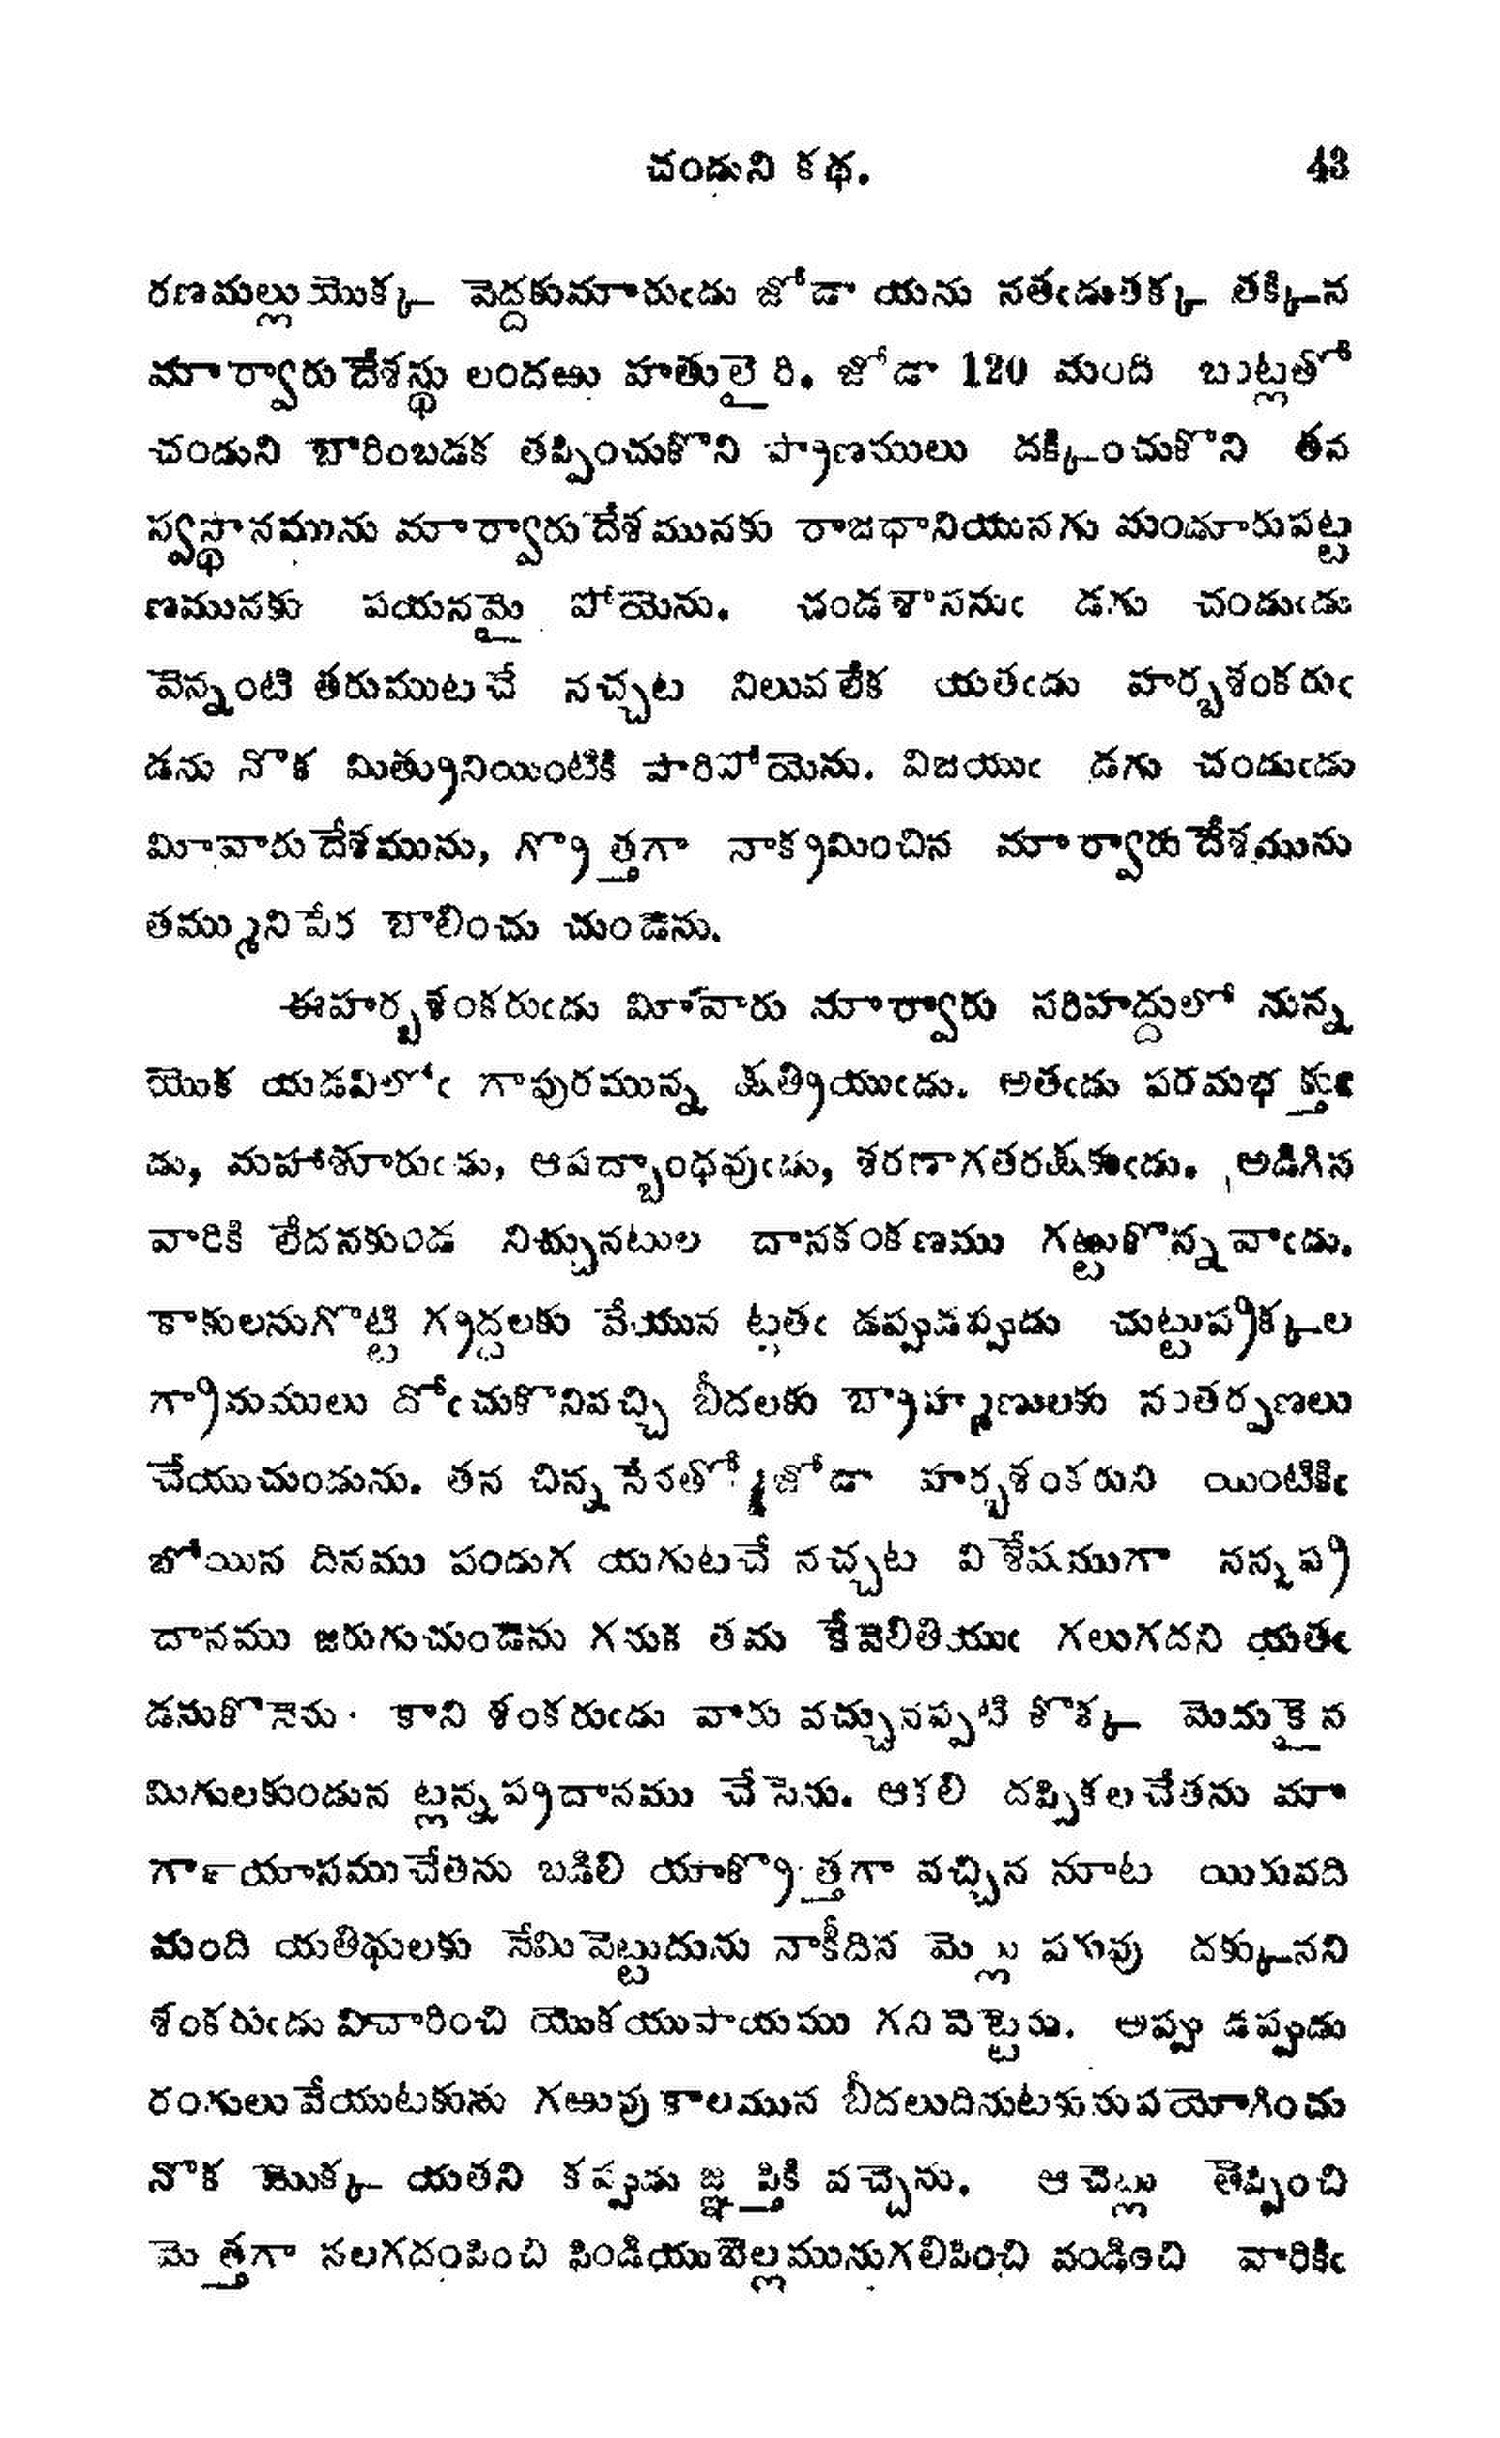రణమల్లు యొక్క పెద్దకుమారుఁడు జోడా' యను నతఁడు తక్క తక్కిన మార్వారు దేశస్థు లందఱు హతులైరి. జోడా 120 మంది బంట్లతో
చండుని బారింబడక తప్పించుకొని ప్రాణములు దక్కించుకొని తన స్వస్థానమును మార్వారు దేశమునకు రాజధానియునగు మండూరుపట్ట
ణమునకు పయనమై పోయెను.చండశాసనుఁ డగు చండుడు వెన్నంటి తరుముటచే నచ్చట నిలువలేక యతఁడు హర్బశంకరుఁ
డను నొక మిత్రునియింటికి పారిపోయెను. విజయుఁ డగు చండుఁడు మీవారు దేశమును, గొత్తగా నాక్రమించిన మార్వారు దేశమును
తమ్ముని పేర బాలించు చుండెను.

ఈహర్బశంకరుఁడు మీవారు నూర్వారు సరిహద్దులో నున్న యొక యడవిలోఁ గాపురమున్న క్షత్రియుఁడు. అతఁడు పరమభక్తుఁడు, మహాశూరుఁడు, ఆపద్బాంధవుఁడు, శరణాగతరక్షకుడు. అడిగిన వారికి లేదనకుండ నిచ్చునటుల దానకంకణము గట్టుకొన్నవాఁడు.
కాకులను గొట్టి గద్దలకు వేయున ట్లతఁ డప్పుడప్పుడు చుట్టుప్రక్కల గ్రామములు దోఁచుకొనివచ్చి బీదలకు బాహ్మణులకు సంతర్పణలు
చేయుచుండును. తన చిన్న సేనతో జోడా హర్భశంకరుని యింటికిఁ బోయిన దినము పండుగ యగుటచే నచ్చట విశేషముగా నన్న ప్రదానము జరుగుచుండెను గనుక తమ కేవెలితియుఁ గలుగదని యతఁడనుకొనెను. కాని శంకరుఁడు వారు వచ్చునప్పటి కోక్క మెదుకైన
మిగులకుండున ట్లన్నప్రదానము చేసెను. ఆకలి దప్పికలచేతను మాగా౯ యాసము చేతను బడిలి యాక్రోత్తగా వచ్చిన నూట యిరువది
మంది యతిథులకు నేమి పెట్టుదును నాకీదిన మెట్లు పరువు దక్కునని శంకరుఁడు విచారించి యొక యుపాయము గని పెట్టెను. అప్పుడప్పుడు రంగులు వేయుటకును గఱువు కాలమున బీదలుదినుటకు నుపయోగించు నొక మోక్క యతని కప్పుడు జ్ఞప్తికి వచ్చెను. ఆ చెట్లు తెప్పించి మెత్తగా నలగదంపించి పిండియు బెల్లమునుగలిపించి వండించి వారికిఁ